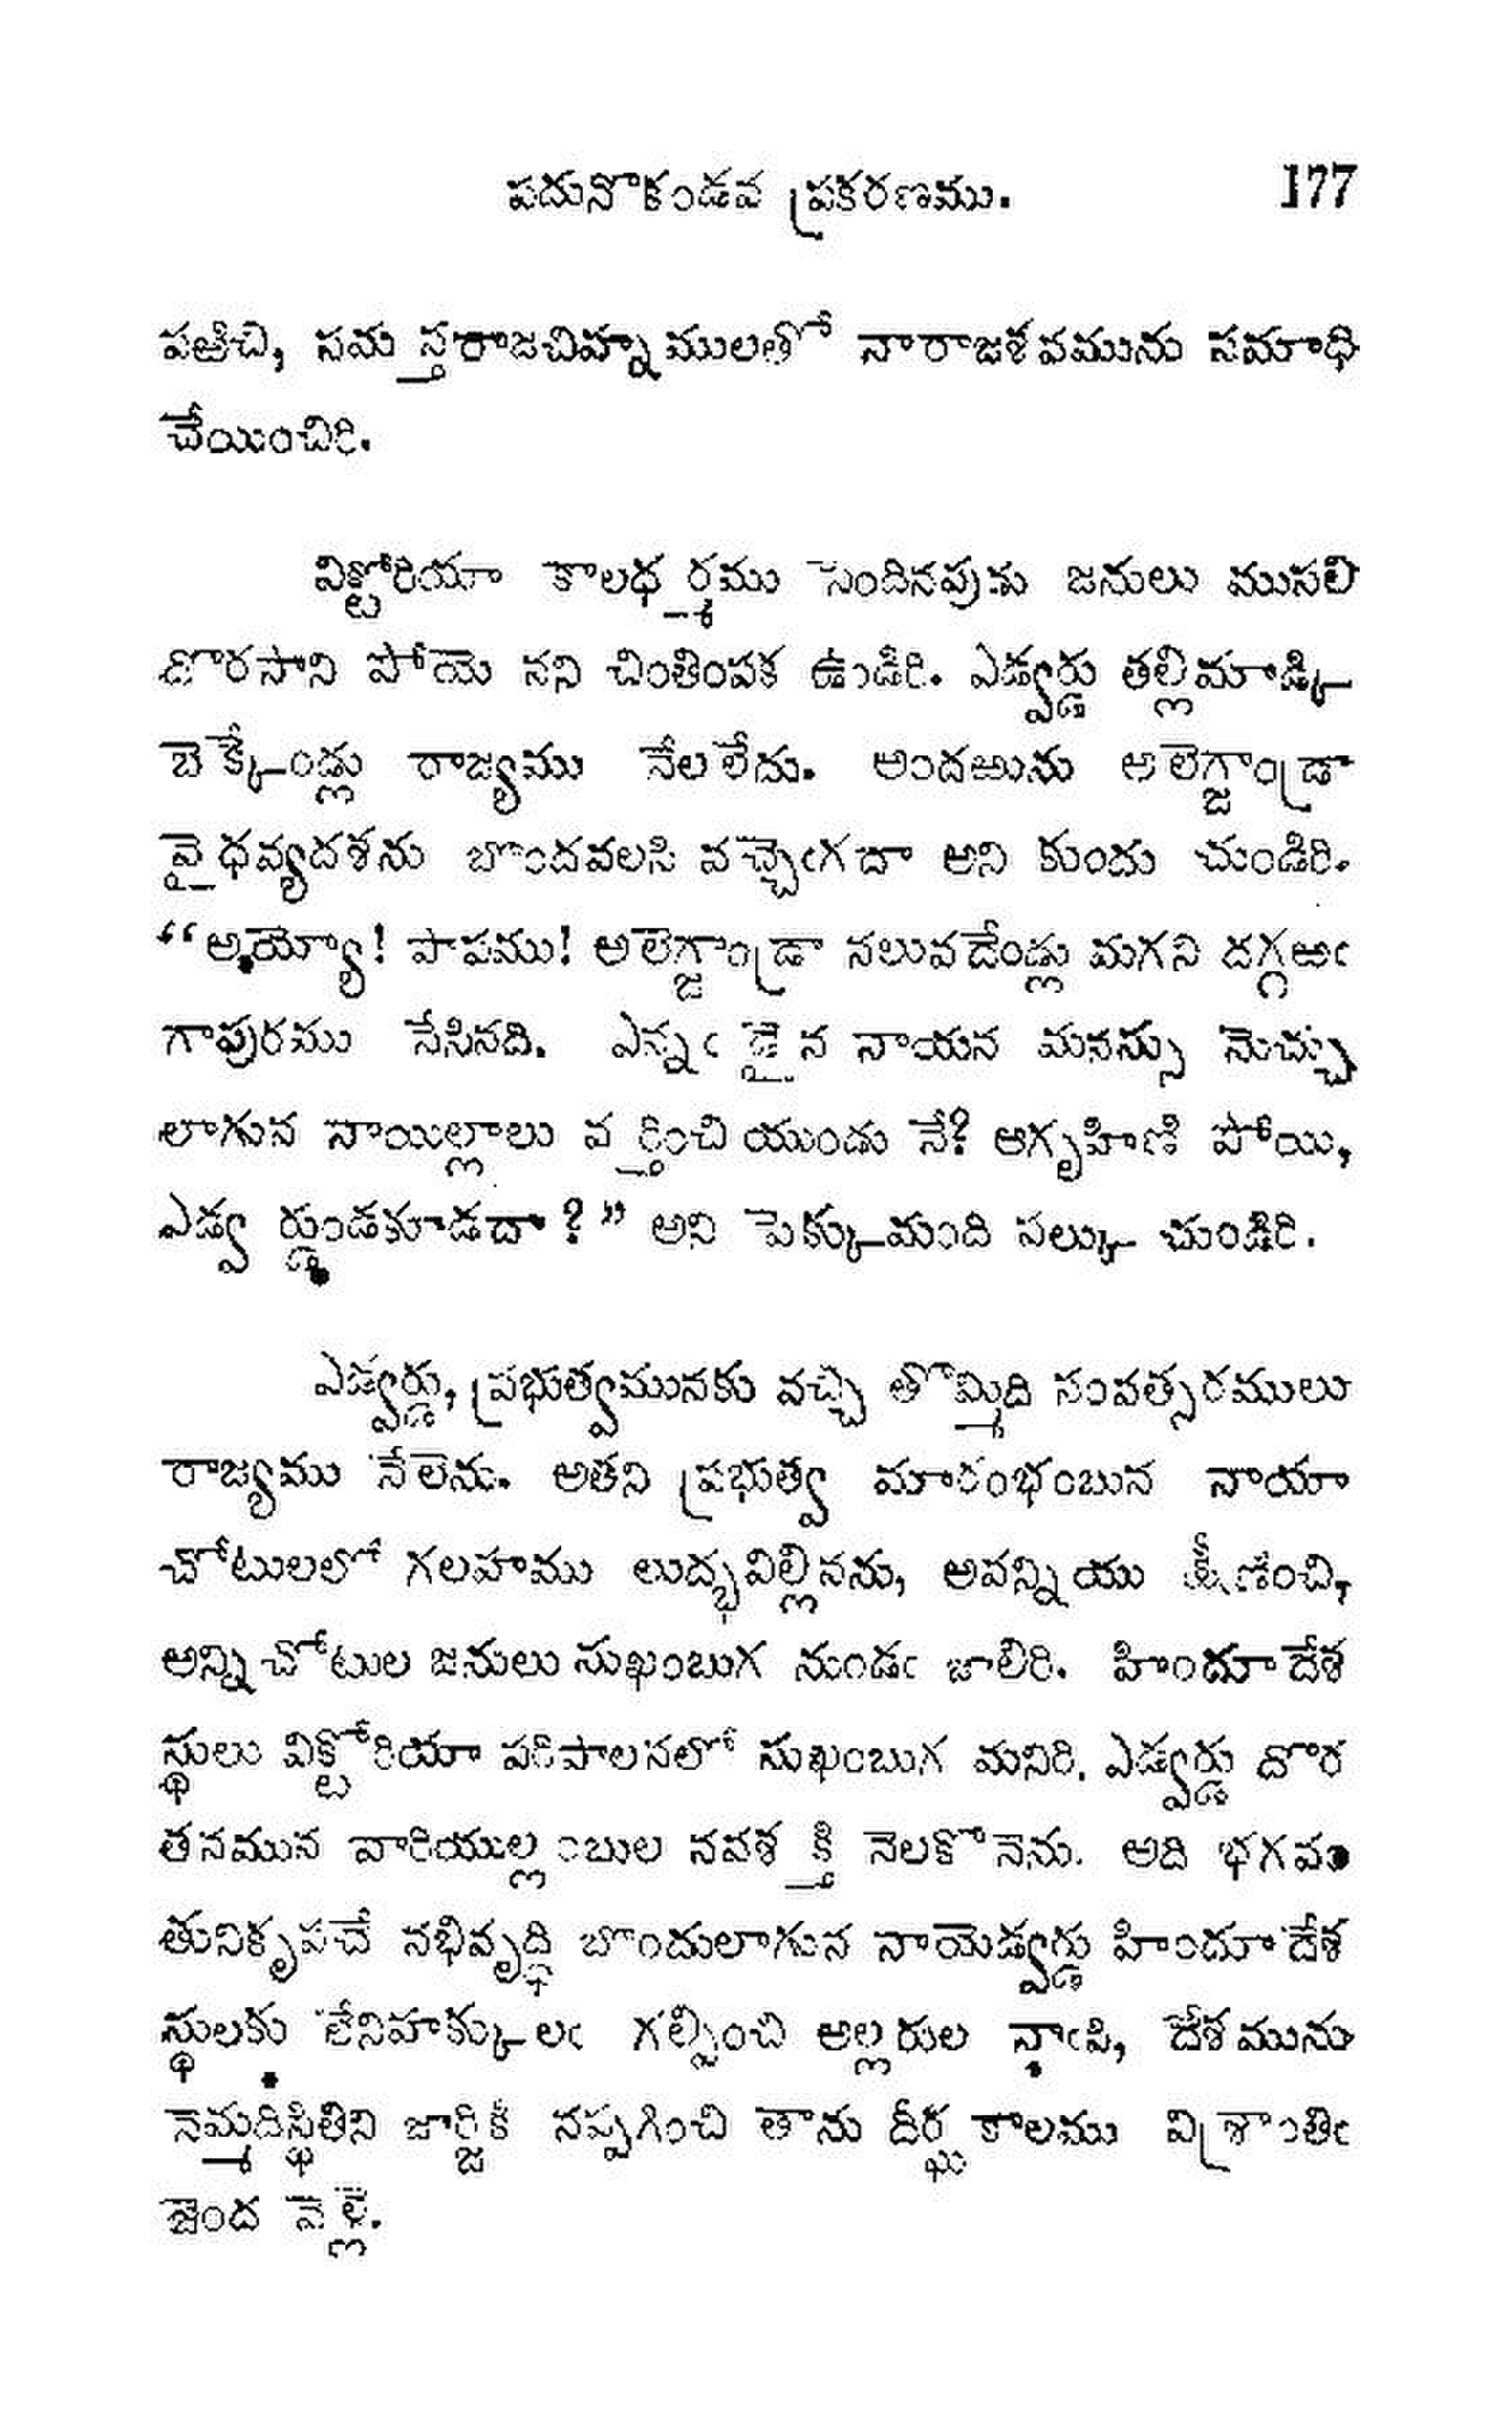పఱచి, సమ స్తరాజచిహ్నములతో నారాజశవమును సమాధి చేయించిరి.

విక్టోరియా కాలధర్మము సెందినప్పుడు జనులు ముసలి డొరసాని పోయె నని చింతింపక ఉండిరి. ఎడ్వర్డు తల్లి మాడ్కి- బెక్లేండ్లు రాజ్యము నేల లేదు. అందరును ఆలెగ్జాండ్రా వైధవ్యదశను బొందవలసి వచ్చెఁగదా అని కుందు చుండిరి. “" అయ్యో! పాపము! అలెగ్జాండ్రా నలువ డేండ్లు మగని దగ్గఱ గాపురము సేసినది. ఎన్నడైన నాయన మనస్సు 'మెచ్చు లాగున "నాయిల్లాలు వర్తించి యుండు నే? ఆగృహిణి పోయి, ఎడ్వర్డుండకూడదా? " అని పెక్కుమంది పల్కు. చుండిరి. ఎశ్వర్డు, ప్రభుత్వమునకు వచ్చి తొమ్మిది సంవత్సరములు రాజ్యము 'నేలెను. అతని ప్రభుత్వ మారంభంబున నాయా చోటులలో గలహము లుద్భవిల్లినను, అవన్నియు క్షీణించి, అన్ని చోటుల జనులు సుఖంబుగ నుండఁ జూలిరి. హిందూ దేశ స్థులు విక్టోరియా పరిపాలనలో సుఖంబుగ మనిరి. ఎడ్వర్డు దొర తనమున వారియుల్లంబుల నవశక్తి నెలకొనెను. అది భగవం తుని కృపచే సభివృద్ధి బొందులాగున నాయెడ్వర్డు హిందూ దేశ స్థులకు "లేనిహక్కుల గల్పించి అల్లరుల నాంపి, దేశమును నెమ్మది స్థితిని జార్జికి నప్పగించి తాను దీర్ఘ కాలము విశ్రాంతి జెంద వెళ్లె.